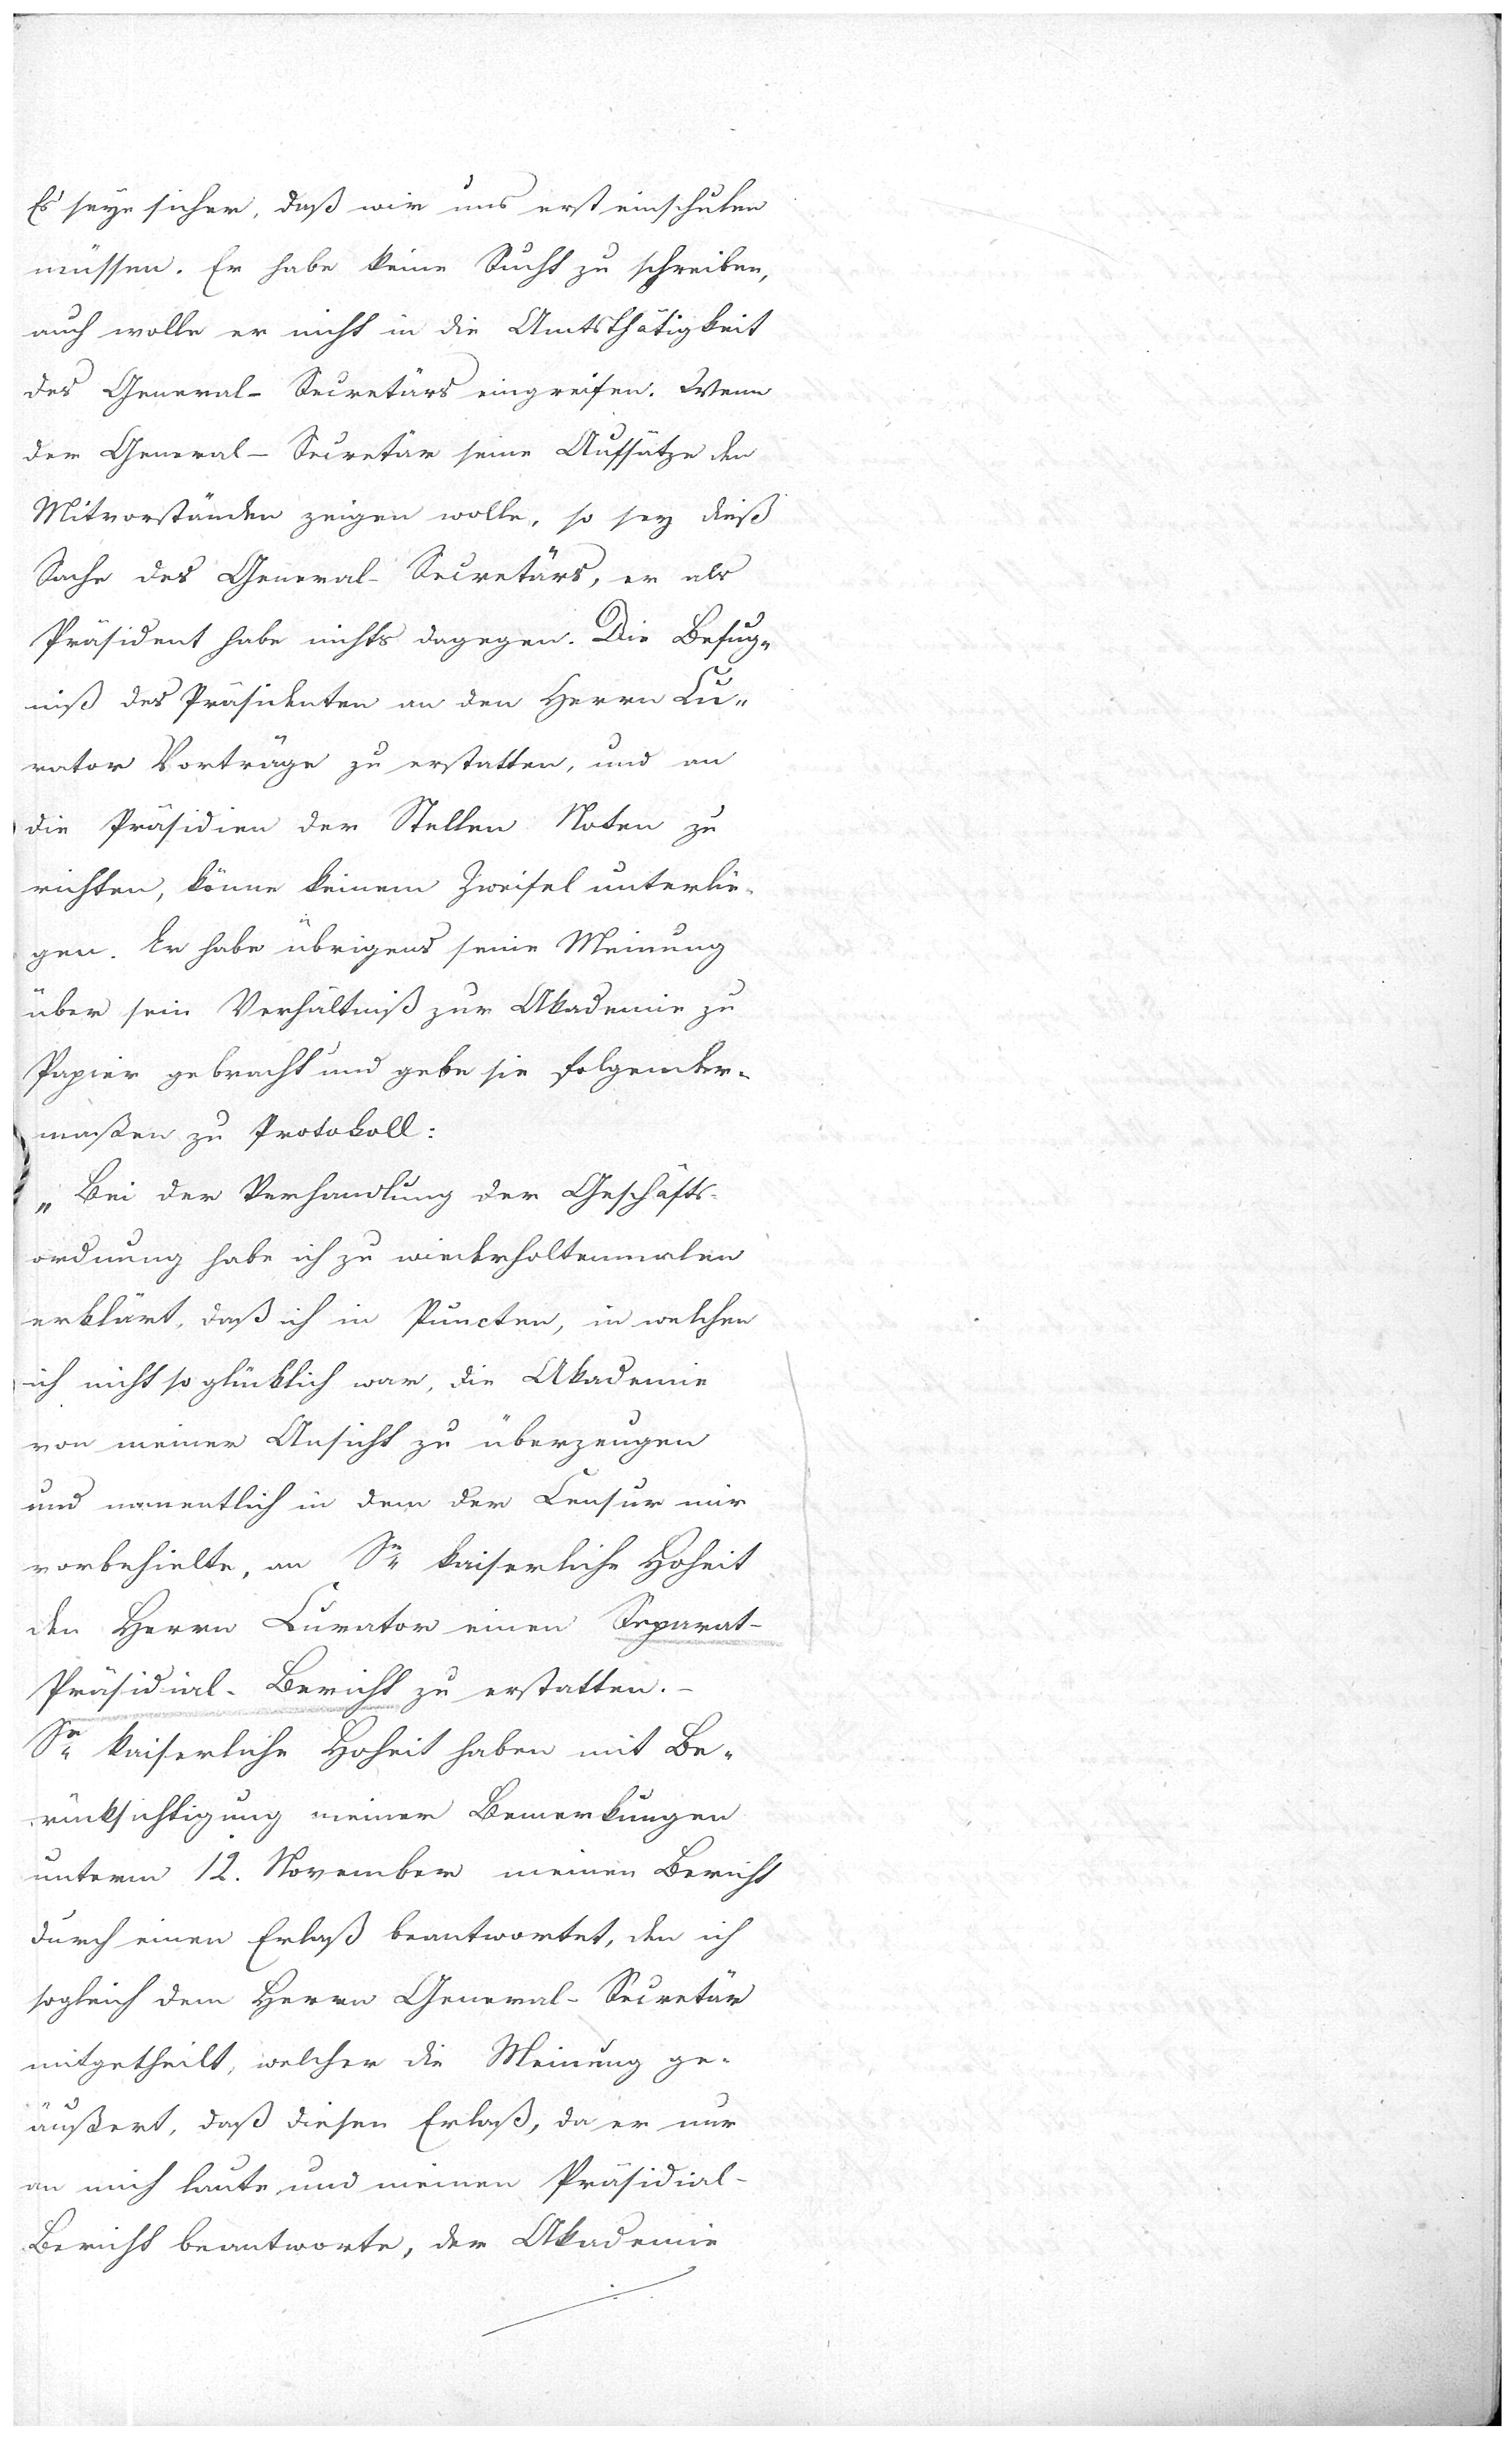Es seye sicher, daß wir uns erst einschulen
müssen. Er habe keine Sucht zu schreiben,
auch wolle er nicht in die Amtsthätigkeit
des General-Secretärs eingreifen. Wenn
der General-Secretär seine Aufsätze den
Mitvorständen zeigen wolle, so sey dieß
Sache des General-Secretärs, er als
Präsident habe nichts dagegen. Die Befug-
niß des präsidenten an den Herrn Cu-
rator Vorträge zu erstatten, und an
die Präsidien der Stellen Noten zu
richten, könne keinem Zweifel unterlie-
gen. Er habe übrigens seine Meinung
über sein Verhältniß zur Akademie zu
Papier gebracht und gebe sie folgender-
maßen zu Protokoll:
Bei der Verhandlung der Geschäfts-
ordnung habe ich zu wiederholtenmalen
erklärt, daß ich in Puncten, in welchen
ich nicht so glücklich war, die Akademie
von meiner Aufsicht zu überzeugen
und namentlich in dem der Censur mir
vorbehielte, an Sr. kaiserliche Hoheit
den Herrn Curator einen Separat-
Präsidial-Bericht zu erstatten.
Sr. kaiserliche Hoheit haben mit Be-
rücksichtigung meiner Bemerkungen
unterm 12. November meinen Bericht
durch einen Erlaß beantwortet, den ich
sogleich dem Herrn General-Secretär
mitgeteilt, welcher die Meinung ge-
äußert, daß dieser Erlaß, da er nur
an mich laute und meinen Präsidial-
Bericht beantworte, der Akademie